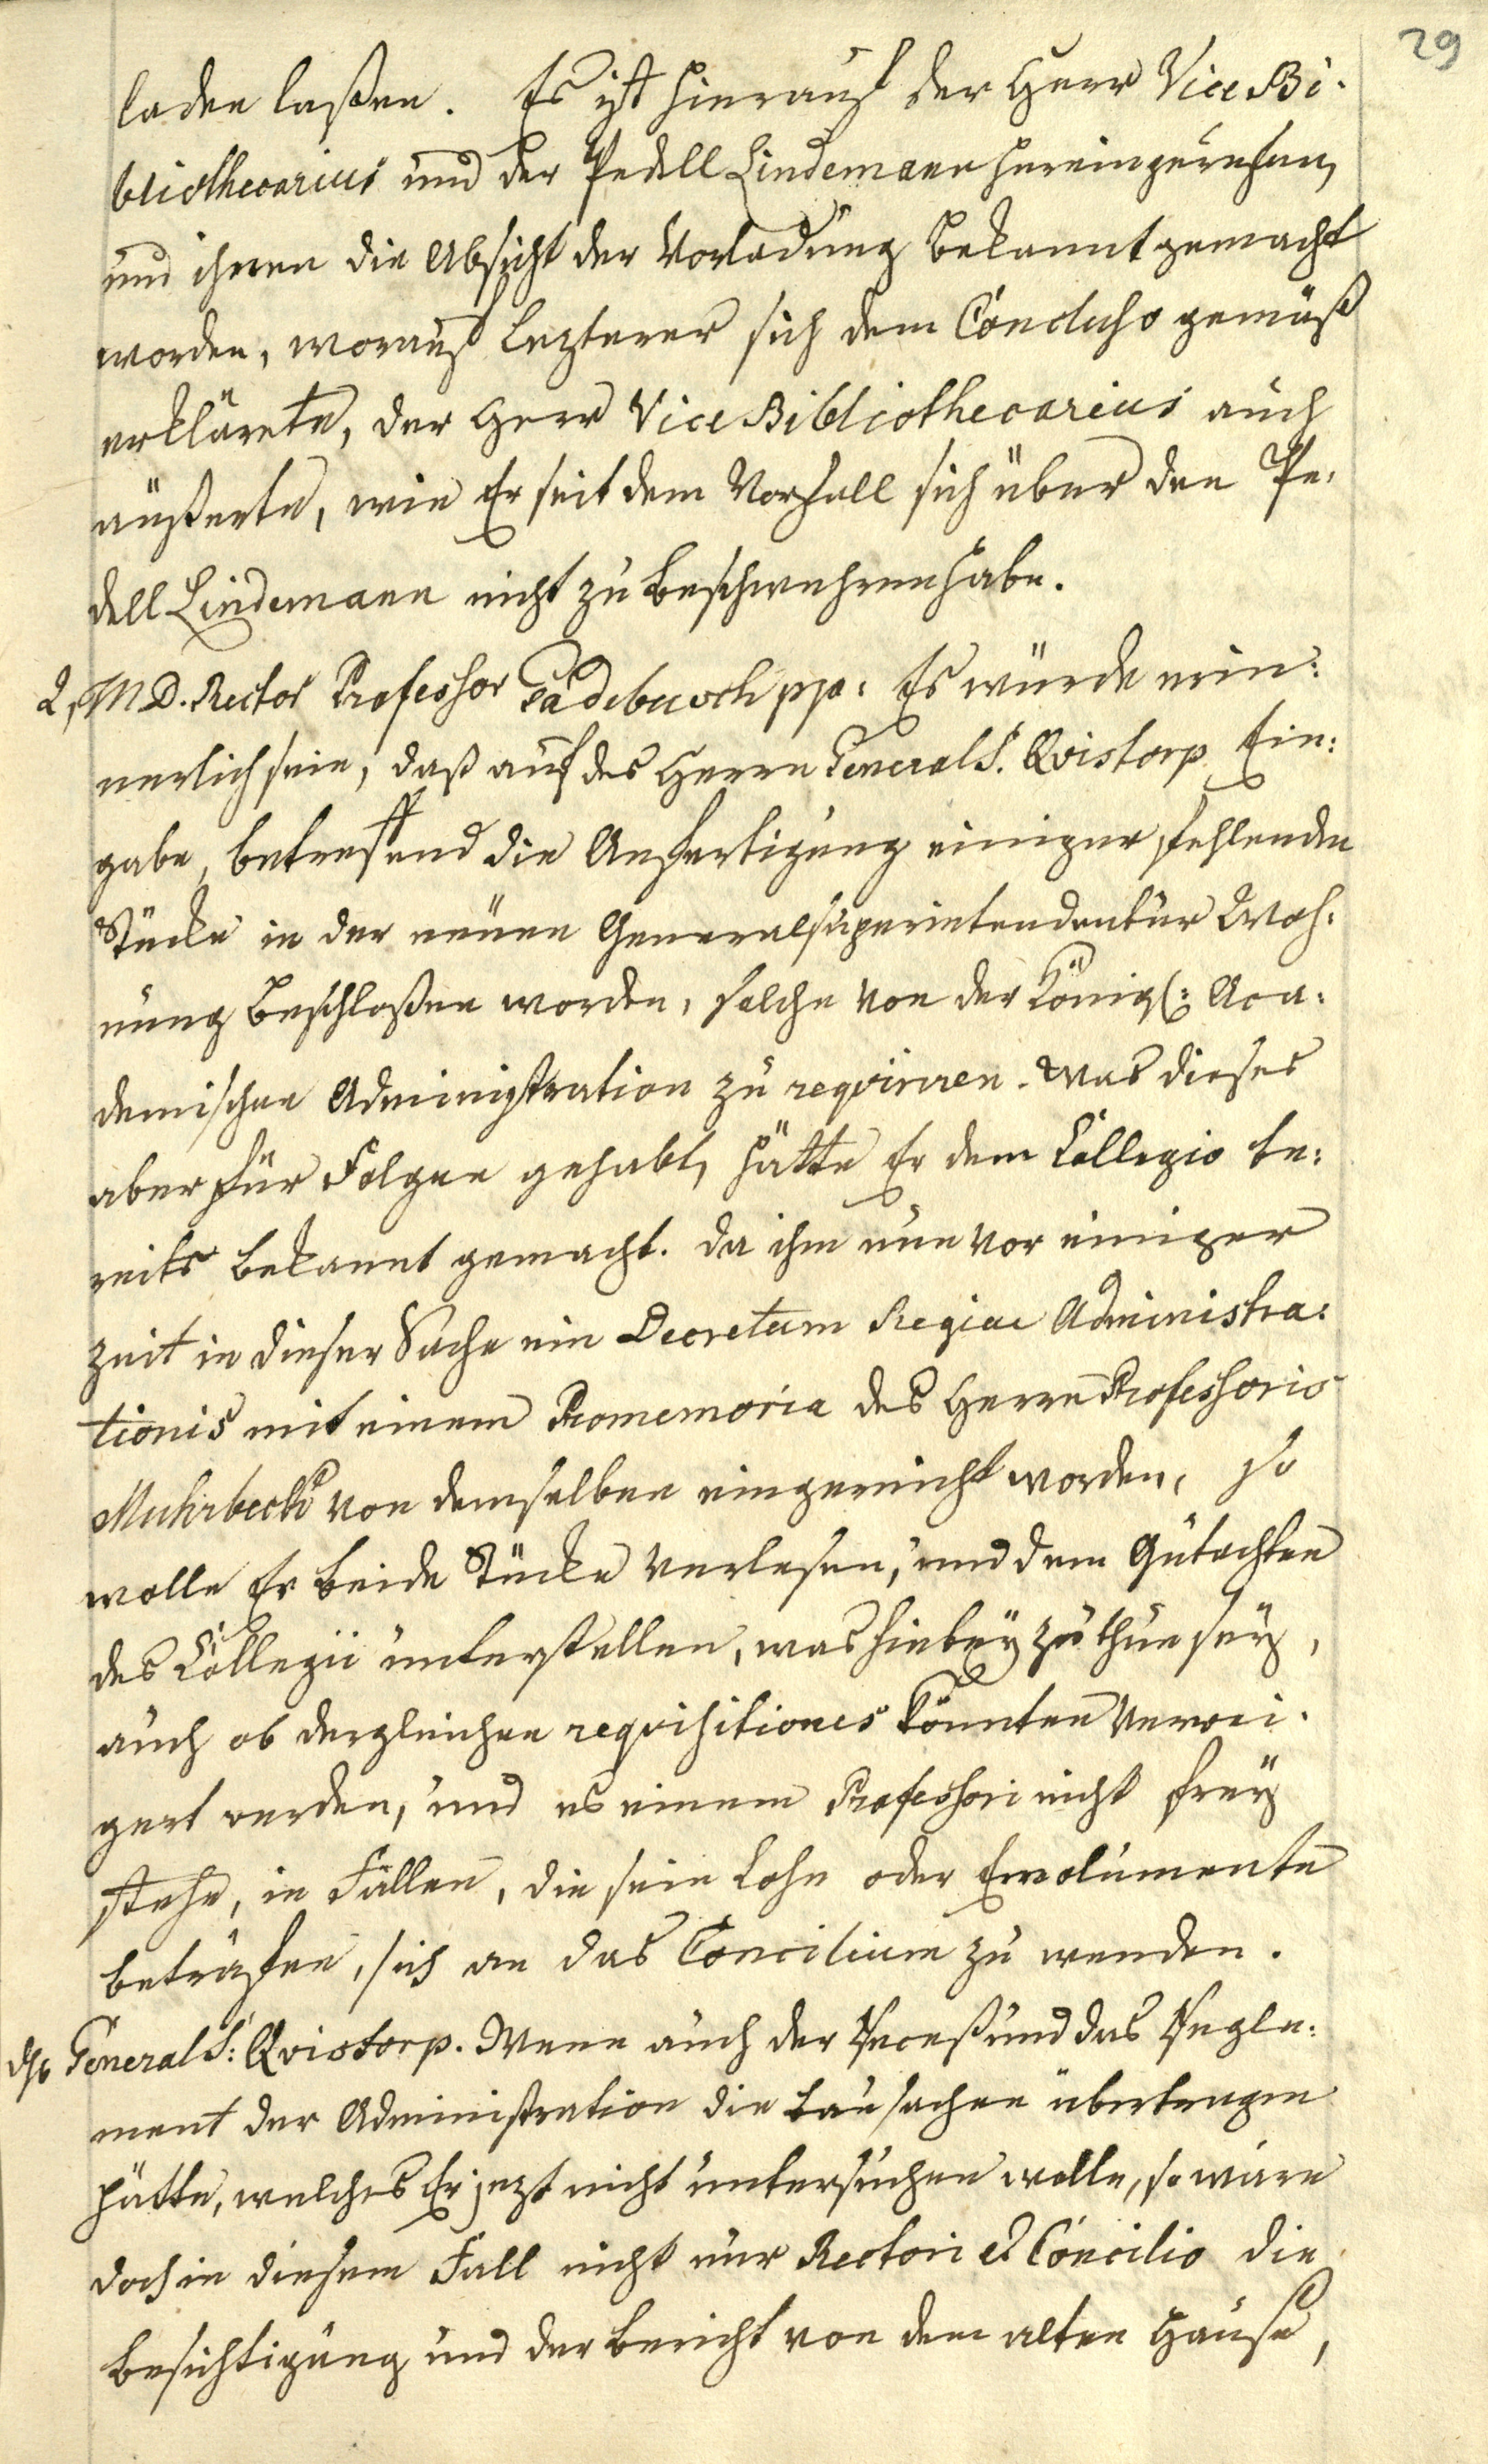laden laßen. Es ist hierauf der Herr Vice Bi¬
bliothecarius und der Pedell Lindemann hereingerufen,
und ihnen die Absicht der Vorladung bekannt gemacht
worden, worauf Lezterer sich dem Concluso gemäß
erklärete, der Herr Vice Bibliothecarius auch
äußerte, wie Er seit dem Vorfall sich über den Pe¬
dell Lindemann nicht zu beschwehren habe.
2, M. D. Rector Professor Gadebusch pp. Es würde erin¬
nerlich sein, daß auf des Herrn GeneralS. Quistorp Ein¬
gabe betreffend die Anfertigung einiger fehlenden
Stücke in der neuen Generalsuperintendenten Woh¬
nung beschloßen worden, solche von der Königl. Aca¬
demischen Administration zu requiriren. Was dieses
aber für Folgen gehabt, hätte Er dem Collegio be¬
reits bekannt gemacht. Da ihm nun vor einiger
Zeit in dieser Sache ein Decretum Regiae Administra¬
tionis mit einem Promemoria des Herrn Professoris
Muhrbeck von demselben eingereicht worden, so
wolle Er beide Stücke verlesen, und dem Gutachten
des Collegii unterstellen, was hiebeÿ zu thun seÿ,
auch ob dergleichen requisitiones könnten verwei¬
gert werden, und es einem Professori nicht freÿ
stehe, in Fällen, die sein Lohn oder Emolumente
beträfen, sich an das Concilium zu wenden.
dh GeneralS. Quistorp. Wenn auch der Receß und das Regle¬
ment der Administration die Bausachen übertragen
hätte, welches Er jezt nicht untersuchen wolle, so wäre
doch in diesem Fall nicht nur Rectori et Concilio die
Besichtigung und der Bericht von dem alten Hause,